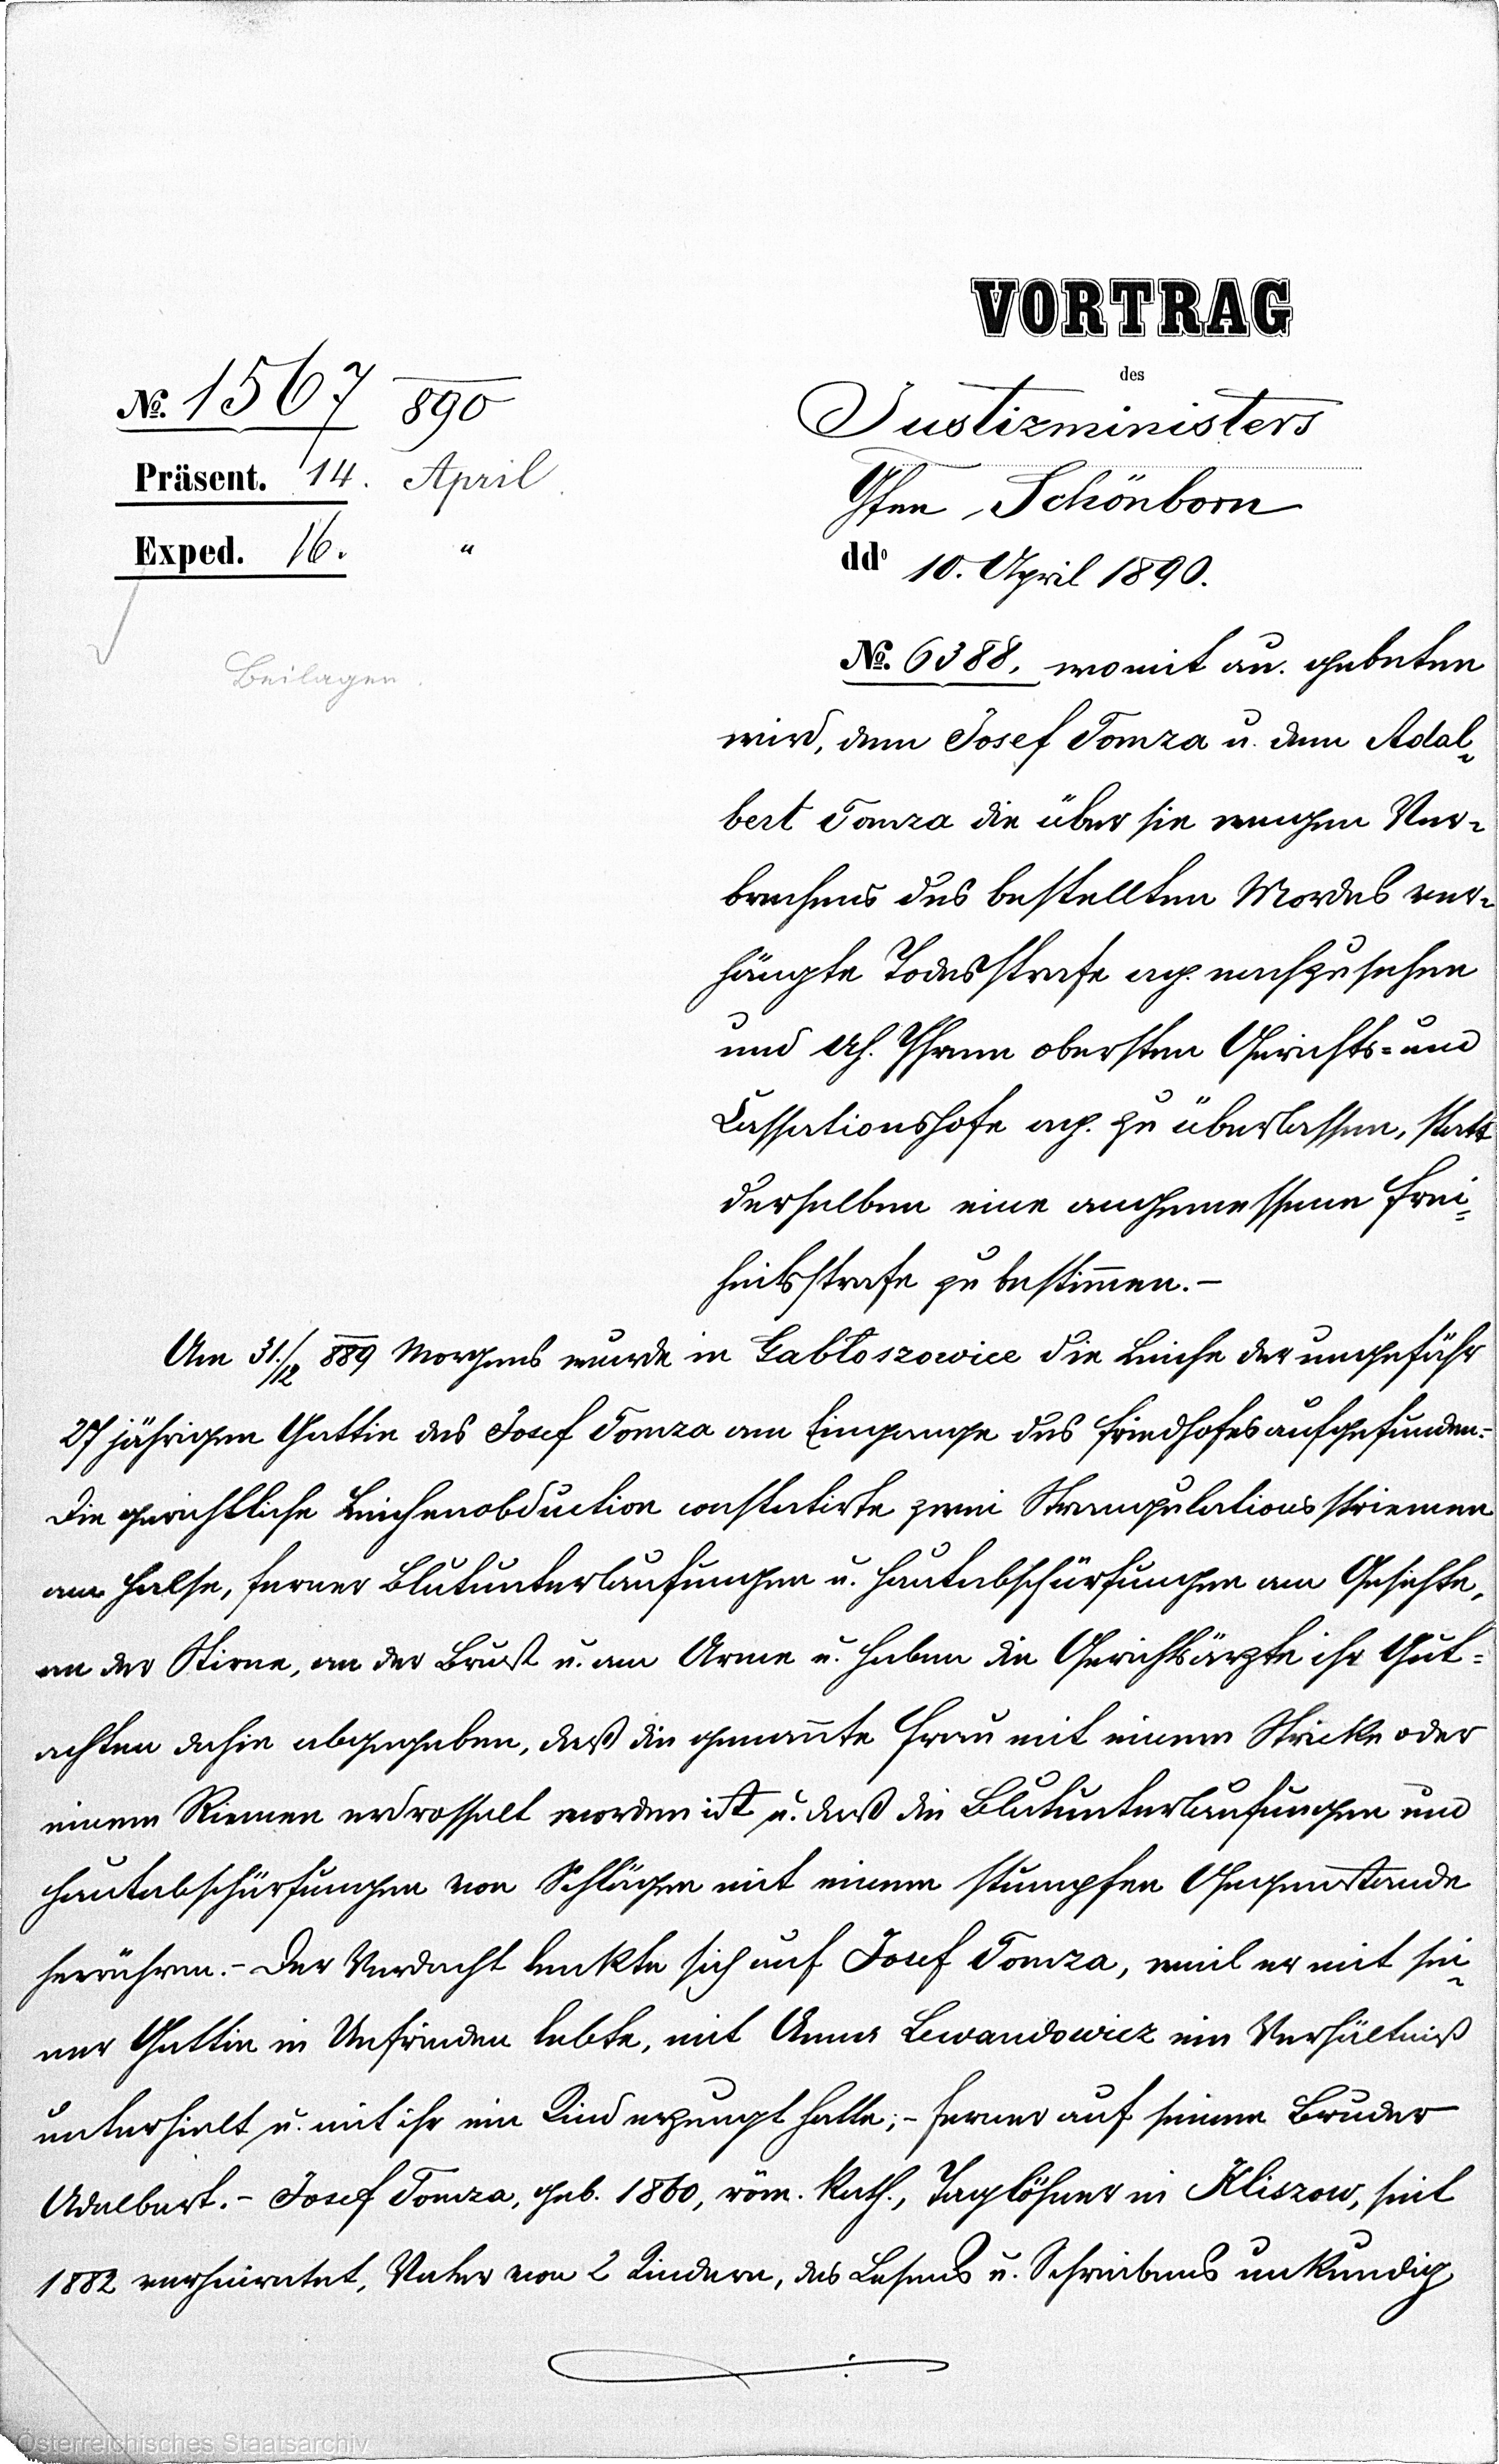VORTRAG
des
Justizministers
Gfen-Schönborn
dd° 10. April 1890.
N° 6388, womit au. gebeten
wird, dem Josef Tomza u. dem Adal¬
bert Tomza die über sie wegen Ver¬
brechens des bestellten Mordes ver¬
hängte Todesstrafe ag. nachzusehen und
Ah. Ghann obersten Gerichts- und
Cassationshofe ag. zu überlassen, statt
derselben eine angemessene Frei¬
heitsstrafe zu bestimmen.-
Am 31./12 889 Morgens wurde in Gabłoszowice die Leiche der ungefähr
27 jährigen Gattin des Josef Tomza am Eingange des Friedhofes aufgefunden.-
Die gerichtliche Leichenobduction constatirte zwei Strangulationsstriemen
am Halse, ferner Blutunterlaufungen u. Hautabschürfungen am Gesichte,
an der Stirne, an der Brust u. am Arme u. Haben die Gerichtsärzte ihr Gut¬
achten dahin abgegeben, daß die genannte Frau mit einem Stricke oder
einem Riemen erdrossalt worden ist u. daß die Blutunterbrufungen und
Hautabschürfungen von Schlägen mit einem stumpfen Gegenstande
herrühren.- Der Verdacht lenkte sich auf Josef Tomza, weil er mit sei¬
ner Gattin in Unfrieden lebte, mit Anna Lewandowicz ein Verhältniß
unterhielt u. mit ihr ein Kind erzeugt hatte;- ferner auf seinen Bruder
Adalbert.- Josef Tomza, geb. 1860, röm. kath., Taglöhner in Kliszow, seil
1882 verheiratet, Vater von 2 Kindern, des Lesens u. Schreibens unkundig
N° 1567 890
Präsent. 14. April.
Exped. 16. April.
Beilagen.